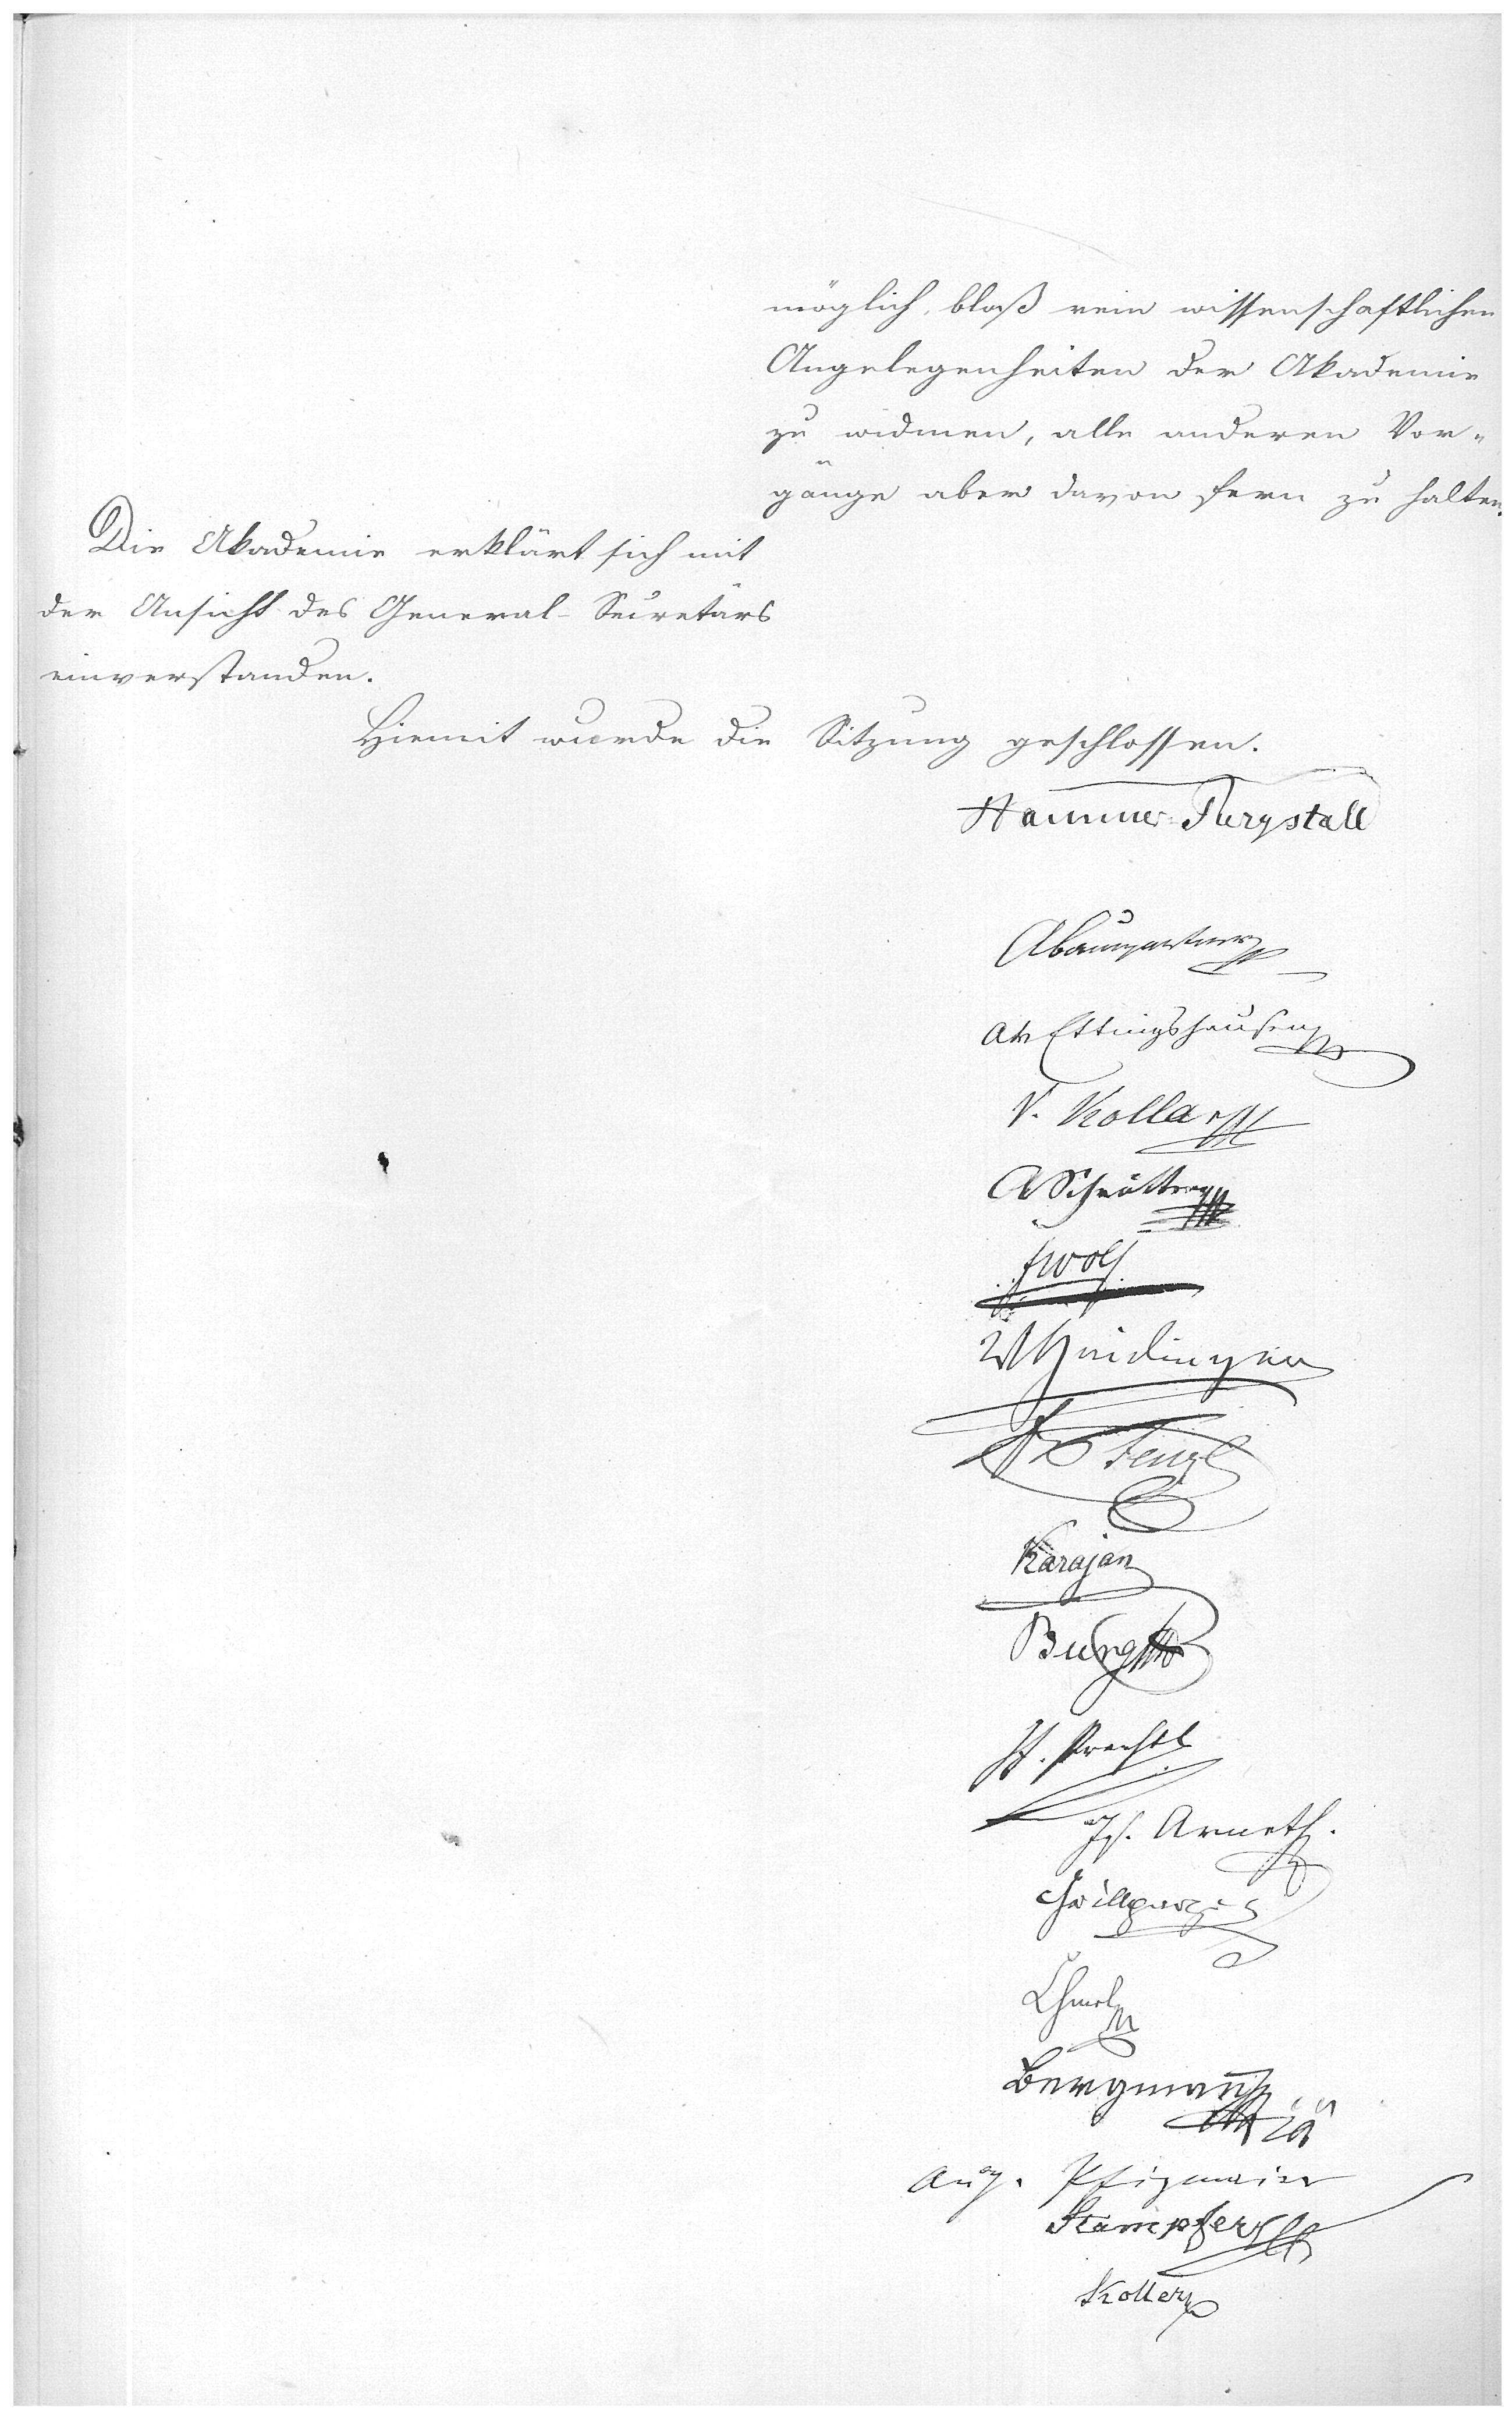möglich, bloß rein wissenschaftlichen
Angelegenheiten der Akademie
zu widmen, alle anderen Vor-
gänge aber davon fern zu halten.
Die Akademie erklärt sich mit
der Ansicht des General-Secretärs
einverstanden.
Hiemit wurde die Sitzung geschlossen.
Hammer-Purgstall
ABaumgartner
Av Ettingshausen
V. Kollar
ASchrötter
FWolf
WHaidinger
Ed Fenzl
Karajan
Burg
JJ Prechtl
Jos. Arneth
Grillparzer
Chmel
Bergmann
Aug. Pfizmaier
Stampfer
Koller